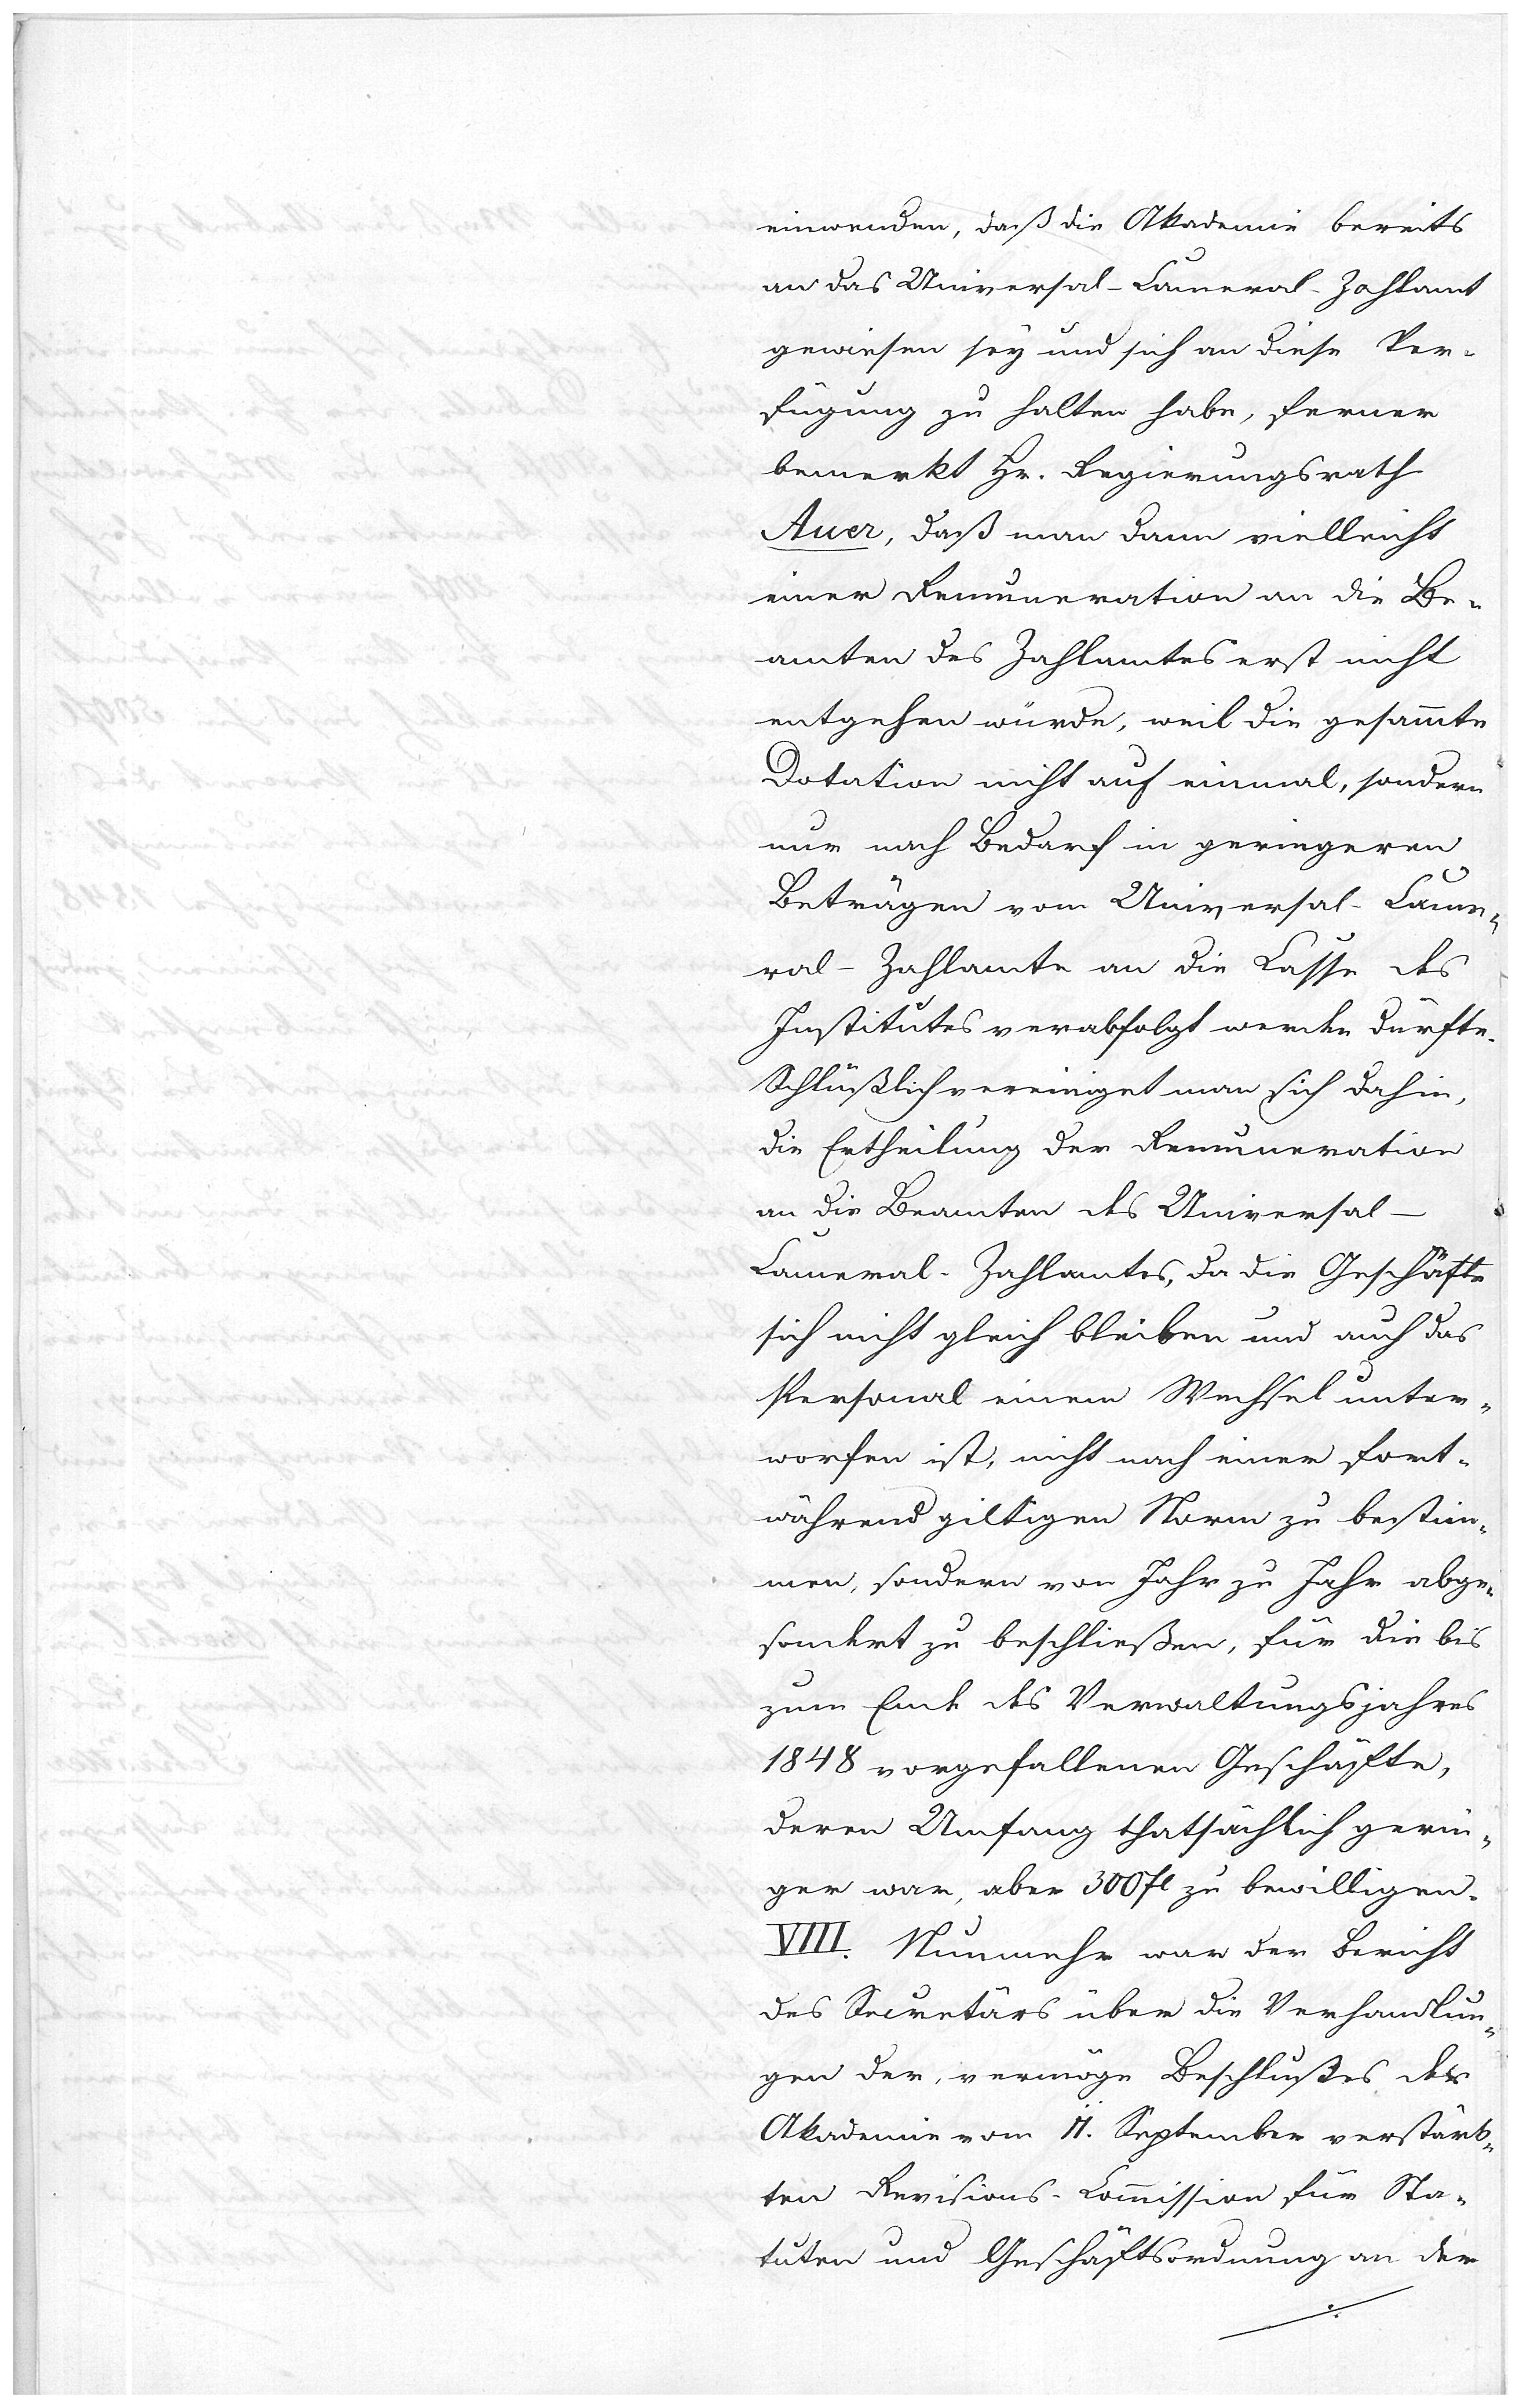einwenden, daß die Akademie bereits
an das Universal-Cameral-Zahlamt
gewiesen sey und sich an diese Ver-
fügung zu halten habe, ferner
bemerkt Hr. Regierungsrath
Auer, daß man dann vielleicht
einer Remuneration an die Be-
amten des Zahlamtes erst nicht
entgehen würde, weil die gesammte
Dotation nicht auf einmal, sondern
nur nach Bedarf in geringeren
Beträgen vom Unversal-Cam-
ral-Zahlamte an die Casse des
Institutes verabfolgt werden dürfte.
Schlüßlich vereinget man sich dahin,
die Ertheilung der Remuneration
an die Beamten des Universal-
Cameral-Zahlamtes, da die Geschäfte
sich nicht gleich bleiben und auch das
Personal einem Wechsel unter-
worfen ist, nicht nach einer fort-
während giltigen Normen zu bestim-
men, sondern von Jahr zu Jahre abge-
sondert zu beschließen, für die bis
zum Ende des Verwaltungsjahres
1848 vorgefallenen Geschäfte,
deren Anfang thatsächlich gerin-
ger war, aber 300 fl zu bewilligen.
VIII. Nunmehr war der Bericht
des Secretärs über die Verhandlun-
gen der, vermöge Beschlußes der
Akademie vom 11. Septenber verstärk-
ten Revisions-Commission für Sta-
tuten und Geschäftsordnung an der